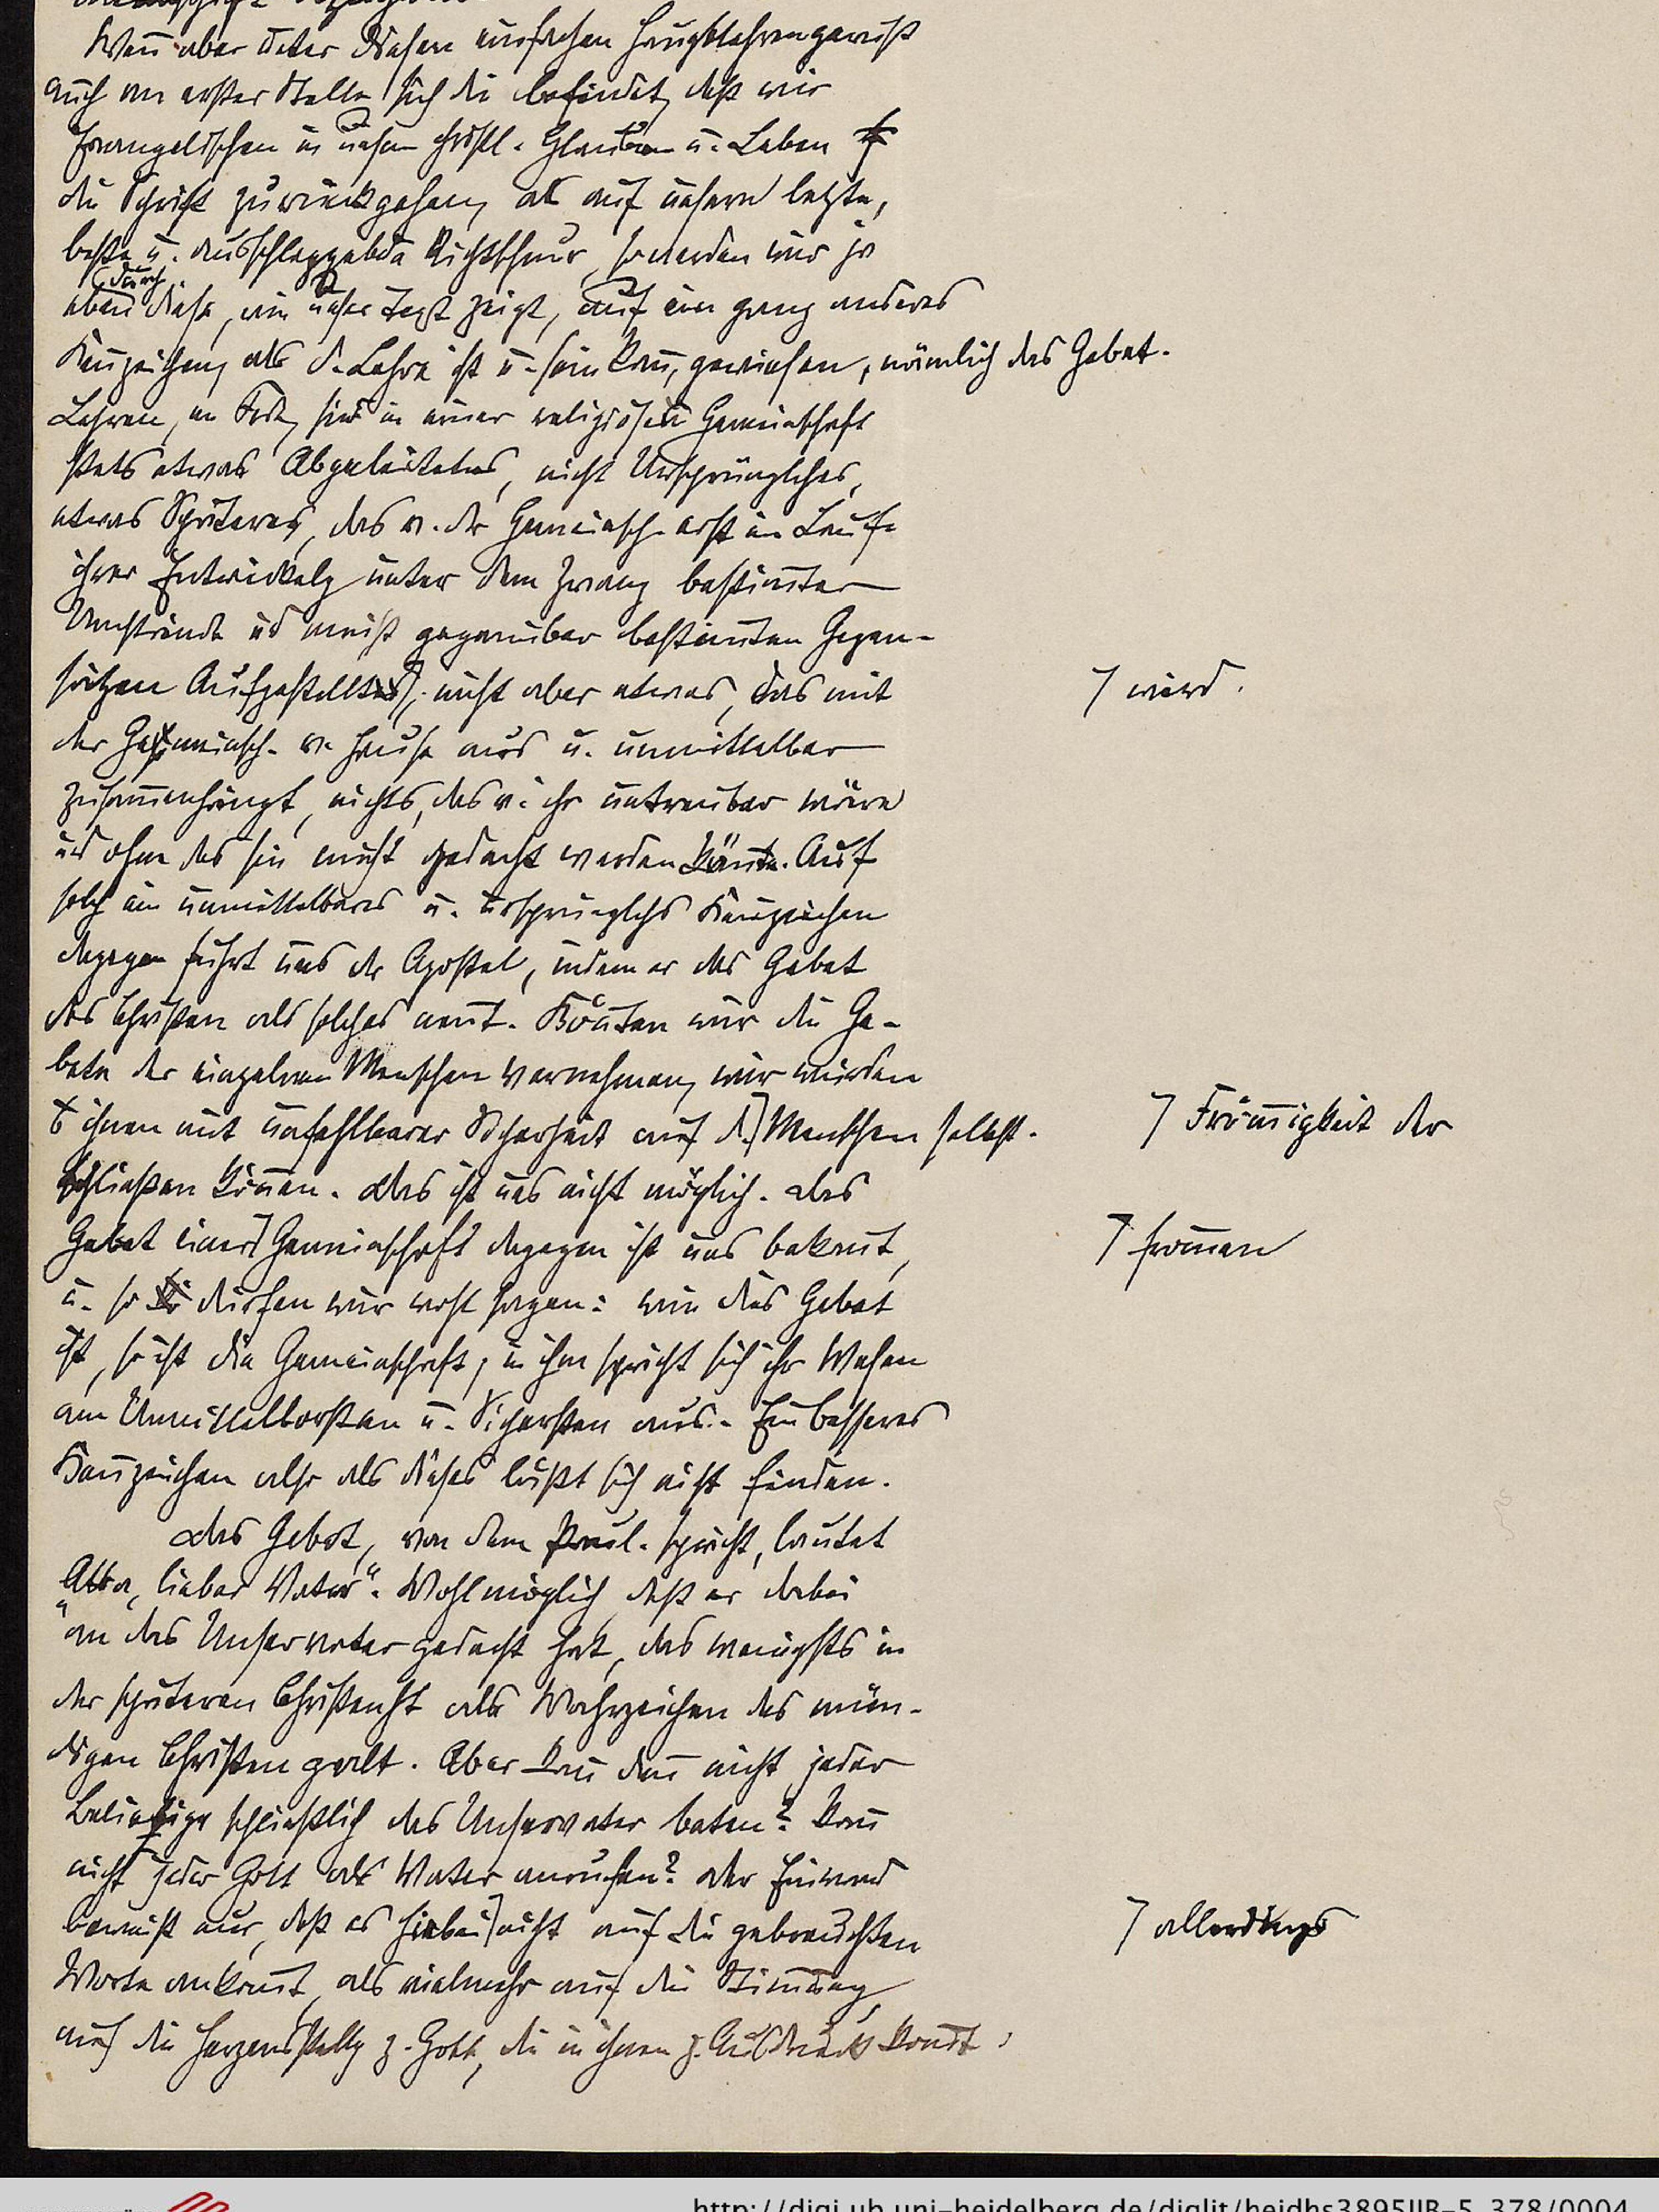Wen aber unter diesen einfachen Hauptsachen gewiß
auch an erster Stelle sich die befindet, daß wir
Evangelischen in unserm christl. Glauben u. Leben f
die Schrift zurcükgehen, als auf unsere. letzte,
beste u. ausschlaggebde Richtschnur so werden wir ja
auch
eben diese, wie unser Text zeigt, auf ein ganz anderes
Kenzeichen, als d. Lehre ist u. sein kan, gewiesen, nämlich das Gebet.
Lehren, m Frde, sind in einer religiösen Gemeinschaft
stets etwas Abgeleitetes, nicht Ursprüngliches,
etwas Späteres, das v. der Gemeinsch. erst ein Laufe
ihrer Entwickelg. unter dem Zwang, bestimmter
Umstände und meist gegenüber bestimmten Gegen¬
wird
sätzen Aufgestelles], nicht aber etwas, das mit
der Gesmeinsch. v. Hause aus u. unmittelbar
zusammenhängt nichts, das v ihr untrennbar wäre
und ohne des sie nicht gedacht werden könte. Auf
solch ein unmittelbares u. ursprüngliches Kenzeichen
dagegen führt uns der Apostel, indem er das Gebet
das Christen als solches nennt. Könnten wir die Ge¬
bete der einzelnen Menschen vernehmen, wir würden
] Frömigkeit der
s ihnen mit unfehlbarer Sicherheit auf d.] Menschen selbst.
schließen könen. Das ist uns nicht möchlich. Das
Gebet einer Gemeinschaft dagegen ist uns bekannt,
fromen,
u. so kö dürfen wir wohl sagen: wie dies Gebet
ist, so ist die Gemeinschaft, in ihm spricht sich ihr Wesen
an Unmittelbarsten u. Sichersten aus. Ein besseres
Kenzeichen also als dieses läßt sich nicht finden.
Das Gebet, von dem freut: spricht, lautet
Abba, lieber Vater: Wohl möglich, das er dabei
an das Unservater gedacht hat, das wenigsts in
der späteren Christenht als Wahrzeichen des münd¬
digen Christen galt. Aber kann denn nicht jeder
Beliebige schließlich das Unservater beten? kann
nicht jeder Gott als Vater anrufen? Der Einwand
beweist nur, daß es hierbei ] nicht, auf die gebrauchten
] allerdings
Worte ankomt als vielmehr auf die Stimmung,
,
auf die Herzensstllg z. Gott die in ihnen z. Ausdruck kommt